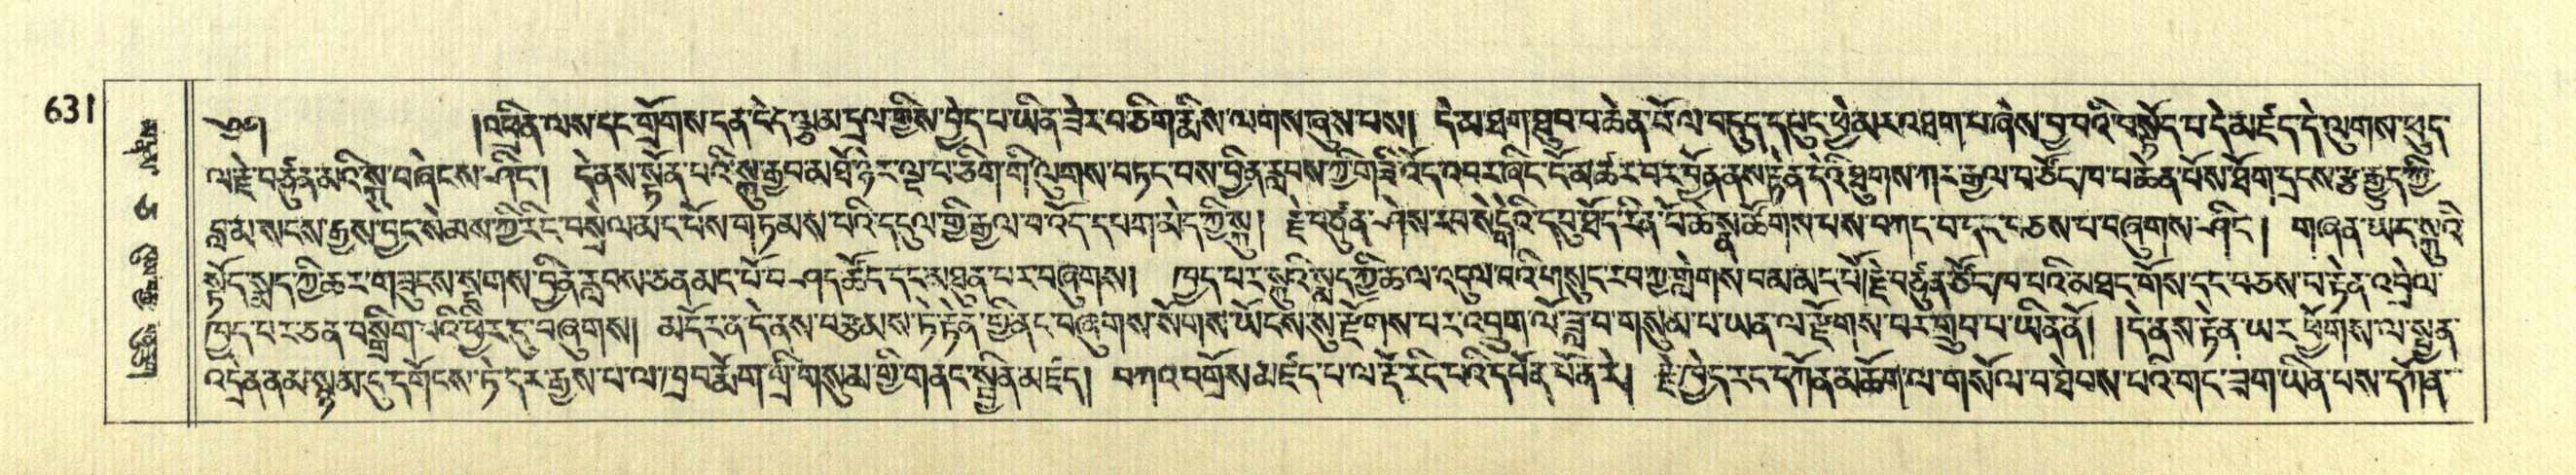༄༅། །འཕྲིན་ལས་དང་གྲོགས་དན་ངེད་ལྕམ་དྲལ་གྱིས་བྱེད་པ་ཡིན་ཟེར་བ་ཅིག་རྨིས་ལགས་ཞུས་པས། དེ་མ་ཐག་ཐུབ་པ་ཆེན་པོ་ལ་བདུད་དཔུང་ཕྱེ་མར་འཐག་པ་ཞེས་བྱ་བའི་བསྟོད་པ་དེ་མཛད་དེ་ལུགས་ཕུད་
ལ་རྗེ་བཙུན་མའི་སྐུ་བཞེངས་ཤིང་། དེ་ནས་སྟོན་པའི་སྐུ་རྒྱབ་མཐོ་ཉེར་ལྔ་པ་ཅིག་གི་ལུགས་བཏང་བས་བྱིན་རླབས་ཀྱི་གཟི་འོད་འབར་ཞིང་ངོ་མཚར་བར་བྱོན་ནས་རྟེན་དེའི་ཐུགས་ཀར་རྒྱལ་བ་ཙོང་ཁ་པ་ཆེན་པོས་ཐོག་དྲངས་རྩ་རྒྱུད་ཀྱི་
བླ་མ་སངས་རྒྱས་བྱང་སེམས་ཀྱི་རིང་བསྲེལ་མང་པོས་གཏམས་པའི་དངུལ་གྱི་རྒྱལ་བ་འོད་དཔག་མེད་ཀྱི་སྐུ། རྗེ་བཙུན་ཤེས་རབ་སེངྒེའི་དབུ་ཐོད་རིན་པོ་ཆེ་སྣ་ཚོགས་པས་བཀད་བ་དང་བཅས་པ་བཞུགས་ཤིང་། གཞན་ཡང་སྐུའི་
སྟོད་སྨད་ཀྱི་ཆར་གཟུངས་སྔགས་བྱིན་རླབས་ཅན་མང་པོ་བཤད་ཚོད་དང་མཐུན་པར་བཞུགས། ཁྱད་པར་སྐུའི་སྨད་ཀྱི་ཆ་ལ་འདུལ་བའི་གསུང་རབ་ཀྱ་གླེགས་བམ་མང་པོ་།རྗེ་བཙུན་ཙོང་ཁ་པའི་མཐང་གོས་དང་བཅས་བ་རྟེན་འབྲེལ་
ཁྱད་པར་ཅན་བསྒྲིག་པའི་ཕྱིར་དུ་བཞུགས། མདོར་ན་དེ་ནས་བརྩམས་ཏེ་རྟེན་གྱི་ནང་བཞུགས་སོགས་ཡོངས་སུ་རྫོགས་པར་འབྲུག་ལོ་ཟླ་བ་གསུམ་པ་ཡན་ལ་རྫོགས་པར་གྲུབ་པ་ཡིན་ནོ། །དེ་ནས་རྟེན་ཡར་ཕྱོགས་ལ་སྤྱན་
འདྲེན་ནམ་སྙམ་དུ་དགོངས་ཏེ་དར་རྒྱས་པ་ལ་ཁྲབ་རྨོག་གྲི་གསུམ་གྱི་གནང་སྦྱིན་མཛད། བཀའ་བགྲོས་མཛད་པ་ལ་རྡོ་རིང་པའི་དཔོན་པོ་ན་རེ། རྗེ་ཁྱེད་རང་དཀོན་མཆོག་ལ་གསོལ་བ་ཐེབས་པའི་གང་ཟག་ཡིན་པས་དཀོན་